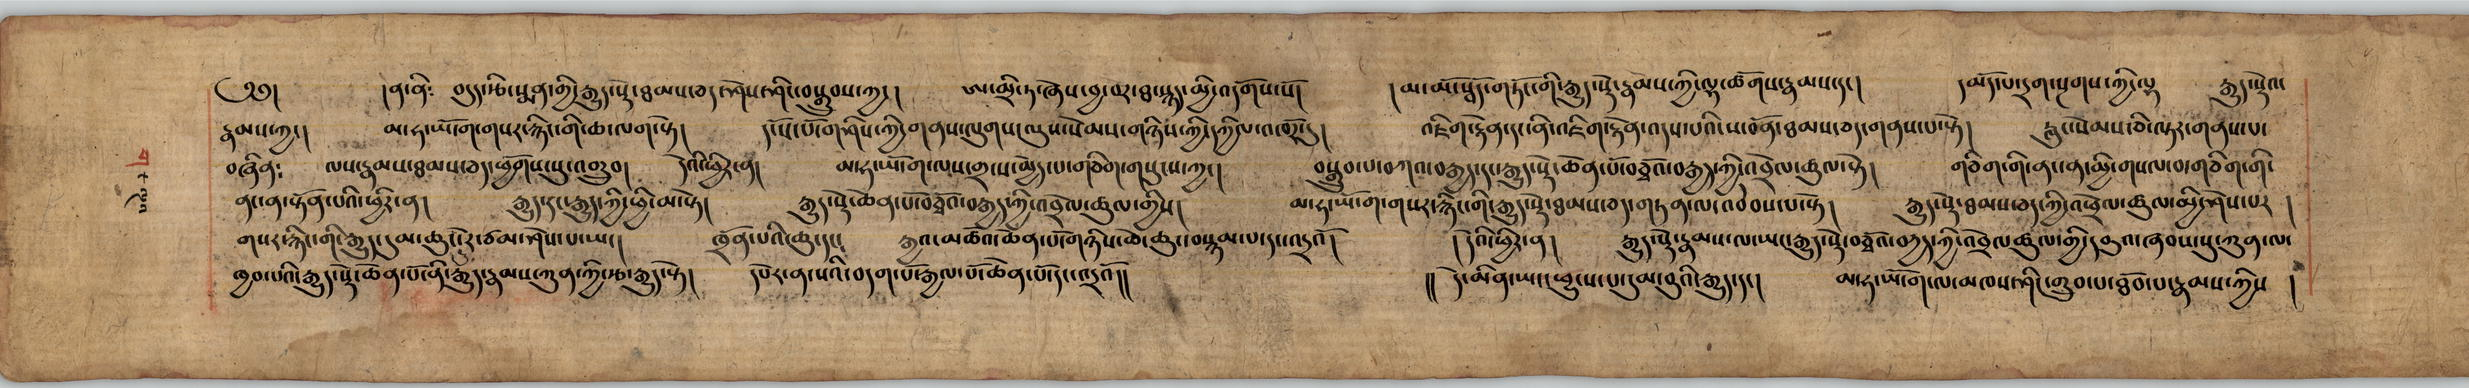༄༅། །ན་ནི༴ བདུད་རྩི་སྨན་གྱི་རྒྱུད་སྡེ་ཐམས་ཅད་ཤེས་ཤིང་བསྒྲུབས་ཀྱང། ཨ་མྲི་ཏ་ཞེས་བྱ་བར་ཐ་སྙད་མྱི་དགོས་སོ། །མ་མོ་སྦོད་གཏོང་གི་རྒྱུད་སྡེ་རྣམས་ཀྱི་ལྷ་ཚོགས་རྣམས་དང། དམོད་པ་དྲག་སྔགས་ཀྱི་ལྷ རྒྱུད་སྡེའ་
རྣམས་ཀྱང། མ་ཧ་ཡོ་ག་གསར་རྙིང་གི་ཆ་ལག་སྟེ། དངོས་པོ་གཤིས་ཀྱི་གནས་ལུགས་ལུས་སེམས་གཉིས་ཀྱི་དཀྱིལ་འཁོར་དུ། འཇིག་རྟེན་དང་ནི་འཇིག་རྟེན་འདས་པའི་ས་བོན་ཐམས་ཅད་གནས་པ་སྟེ། རླུང་སེམས་ཅི་ལྟར་གནས་པ་
བཞིན༴ ལས་རྣམས་ཐམས་ཅད་ཕྱོགས་སུ་འགྲུབ། དེའི་ཕྱིར་ན། མ་ཧ་ཡོ་ག་ལས་གྲངས་མྱེད་པ་གཅིག་གསུངས་ཀྱང། བསྒྲུབ་པ་བཀའ་བརྒྱད་དང་རྒྱུད་སྡེ་ཆེན་པོ་བཅྭོའ་བརྒྱད་ཀྱི་འབྲེལ་ཚུལ་སྟེ། གཅིག་གི་ནང་ན་མྱི་གསལ་བ་གཅིག་གི་
ནང་ན་སྟོན་པའི་ཕྱིར་ན། རྒྱུད་དང་རྒྱུད་ཀྱི་ཕྱི་མ་སྟེ། རྒྱུད་སྡེ་ཆེན་པོ་བཅྭོའ་བརྒྱད་ཀྱི་འབྲེལ་ཚུལ་གྱིས། མ་ཧ་ཡོ་ག་གསར་རྙིང་གི་རྒྱུད་སྡེ་ཐམས་ཅད་གཏན་ལ་འབེབས་པ་སྟེ། རྒྱུད་སྡེ་ཐམས་ཅད་ཀྱི་འཕྲེང་ཚུལ་མྱི་ཤེས་པར །
གསར་རྙིང་གི་རྒྱུད་དུམ་ཆུང་རེ་ཙམ་ཤེས་པ་ཡང། ཁྲོན་པའི་ཆུ་དང༴ རྒྱའ་མཚོའ་ཆེན་པོ་གཉིས་ཆེ་ཆུང་བསྙམ་པ་དང་འདྲའོ། །དེའི་ཕྱིར་ན། རྒྱུད་སྡེ་རྣམས་ལ་ཡང་རྒྱུད་སྡེ་བཅྭོའ་བརྱད་ཀྱི་འབྲེལ་ཚུལ་གྱི་དབུའ་ཞབས་སུ་ཀུན་ལ་
ཁྱབ་པའི་རྒྱུད་སྡེ་ཆེན་པོ་ནི་རྒྱུད་རྣམས་ཀུན་ཀྱི་རྩ་རྒྱུད་སྟེ། དཔེར་ན་སའི་བདག་པོ་རྒྱལ་པོ་ཆེན་པོ་དང་འདྲའོ།། །། དེ་མིན་ཡང་ཕྱུངས་པ་དུམ་བུའི་རྒྱུད་དང། མ་ཧ་ཡོ་ག་ལ་མཁས་ཤིང་གྲུབ་པ་ཐོབ་པ་རྣམས་ཀྱིས །